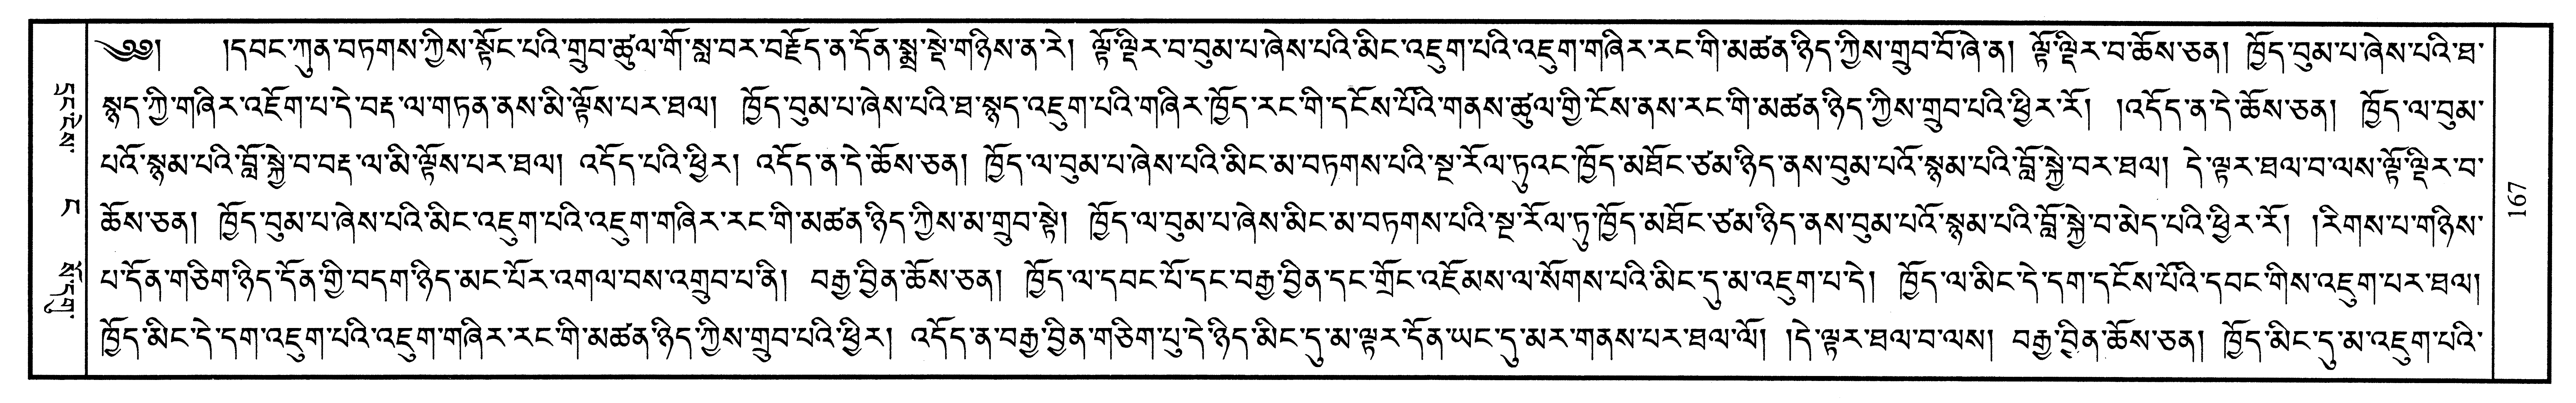༄༅། །དབང་ཀུན་བཏགས་ཀྱིས་སྟོང་པའི་གྲུབ་ཚུལ་གོ་སླ་བར་བརྗོད་ན་དོན་སྨྲ་སྡེ་གཉིས་ན་རེ། ལྟོ་ལྡིར་བ་བུམ་པ་ཞེས་པའི་མིང་འཇུག་པའི་འཇུག་གཞིར་རང་གི་མཚན་ཉིད་ཀྱིས་གྲུབ་བོ་ཞེ་ན། ལྟོ་ལྡིར་བ་ཆོས་ཅན། ཁྱོད་བུམ་པ་ཞེས་པའི་ཐ་
སྙད་ཀྱི་གཞིར་འཇོག་པ་དེ་བརྡ་ལ་གཏན་ནས་མི་ལྟོས་པར་ཐལ། ཁྱོད་བུམ་པ་ཞེས་པའི་ཐ་སྙད་འཇུག་པའི་གཞིར་ཁྱོད་རང་གི་དངོས་པོའི་གནས་ཚུལ་གྱི་ངོས་ནས་རང་གི་མཚན་ཉིད་ཀྱིས་གྲུབ་པའི་ཕྱིར་རོ། །འདོད་ན་དེ་ཆོས་ཅན། ཁྱོད་ལ་བུམ་
པའོ་སྙམ་པའི་བློ་སྐྱེ་བ་བརྡ་ལ་མི་ལྟོས་པར་ཐལ། འདོད་པའི་ཕྱིར། འདོད་ན་དེ་ཆོས་ཅན། ཁྱོད་ལ་བུམ་པ་ཞེས་པའི་མིང་མ་བཏགས་པའི་སྔ་རོལ་ཏུའང་ཁྱོད་མཐོང་ཙམ་ཉིད་ནས་བུམ་པའོ་སྙམ་པའི་བློ་སྐྱེ་བར་ཐལ། དེ་ལྟར་ཐལ་བ་ལས་ལྟོ་ལྡིར་བ་
ཆོས་ཅན། ཁྱོད་བུམ་པ་ཞེས་པའི་མིང་འཇུག་པའི་འཇུག་གཞིར་རང་གི་མཚན་ཉིད་ཀྱིས་མ་གྲུབ་སྟེ། ཁྱོད་ལ་བུམ་པ་ཞེས་མིང་མ་བཏགས་པའི་སྔ་རོལ་ཏུ་ཁྱོད་མཐོང་ཙམ་ཉིད་ནས་བུམ་པའོ་སྙམ་པའི་བློ་སྐྱེ་བ་མེད་པའི་ཕྱིར་རོ། །རིགས་པ་གཉིས་
པ་དོན་གཅིག་ཉིད་དོན་གྱི་བདག་ཉིད་མང་པོར་འགལ་བས་འགྲུབ་པ་ནི། བརྒྱ་བྱིན་ཆོས་ཅན། ཁྱོད་ལ་དབང་པོ་དང་བརྒྱ་བྱིན་དང་གྲོང་འཇོམས་ལ་སོགས་པའི་མིང་དུ་མ་འཇུག་པ་དེ། ཁྱོད་ལ་མིང་དེ་དག་དངོས་པོའི་དབང་གིས་འཇུག་པར་ཐལ།
ཁྱོད་མིང་དེ་དག་འཇུག་པའི་འཇུག་གཞིར་རང་གི་མཚན་ཉིད་ཀྱིས་གྲུབ་པའི་ཕྱིར། འདོད་ན་བརྒྱ་བྱིན་གཅིག་པུ་དེ་ཉིད་མིང་དུ་མ་ལྟར་དོན་ཡང་དུ་མར་གནས་པར་ཐལ་ལོ། །དེ་ལྟར་ཐལ་བ་ལས། བརྒྱ་བྱིན་ཆོས་ཅན། ཁྱོད་མིང་དུ་མ་འཇུག་པའི་